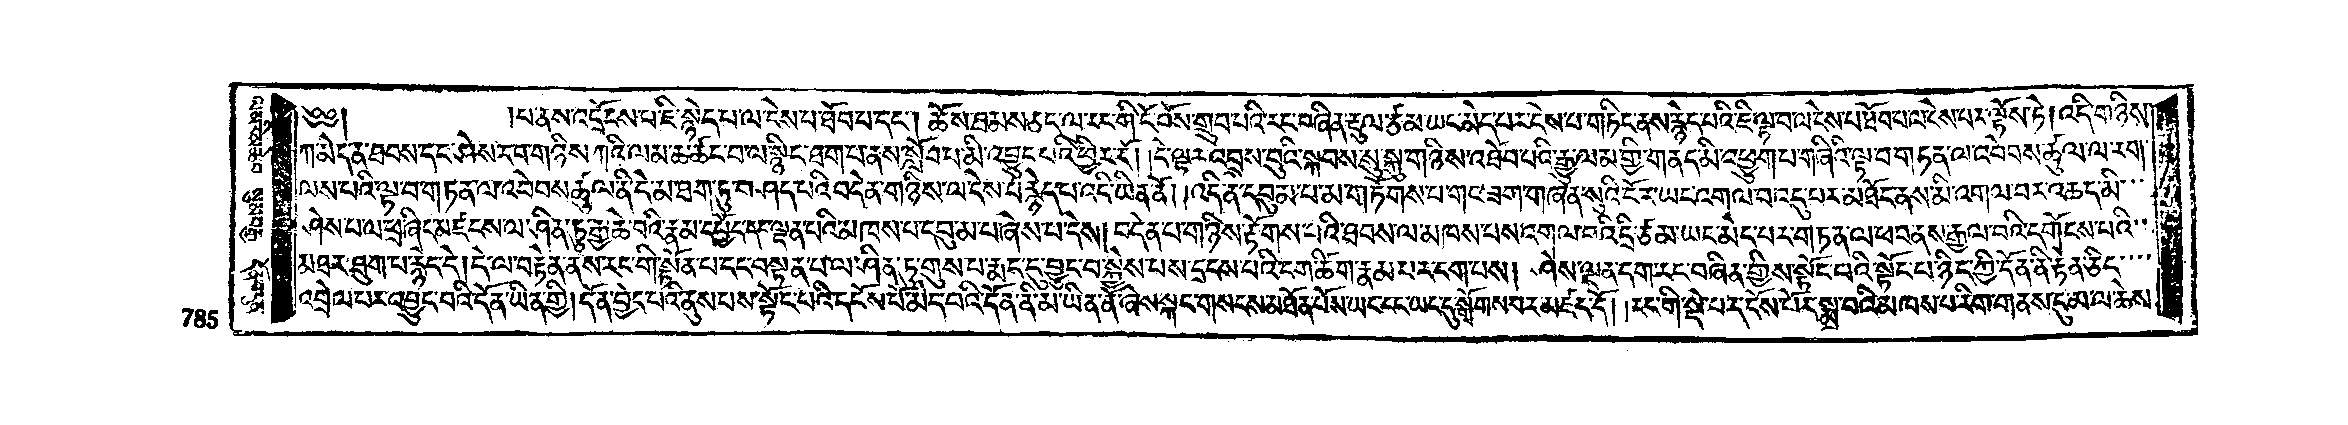༄༅། །པ་ནས་འདྲོངས་པ་ཇི་སྙེད་པ་ལ་ངེས་པ་ཐོབ་པ་དང་། ཆོས་ཐམས་ཅད་ལ་རང་གི་ངོ་བོས་གྲུབ་པའི་རང་བཞིན་རྡུལ་ཙམ་ཡང་མེད་པར་ངེས་པ་གཏིང་ནས་རྙེད་པའི་ཇི་ལྟ་བ་ལ་ངེས་པ་ཐོབ་པ་ལ་ངེས་པར་ལྟོས་ཏེ། འདི་གཉིས་
ཀ་མེད་ན་ཐབས་དང་ཤེས་རབ་གཉིས་ཀའི་ལམ་ཆ་ཚང་བ་ལ་སྙིང་ཐག་པ་ནས་སློབ་པ་མི་འབྱུང་བའི་ཕྱིར་རོ། །དེ་ལྟར་འབྲས་བུའི་སྐབས་སུ་སྐུ་གཉིས་འཐོབ་པའི་རྒྱུ་ལམ་གྱི་གནད་མི་འཕྱུག་པ་གཞིའི་ལྟ་བ་གཏན་ལ་འབེབས་ཚུལ་ལ་རག་
ལས་པའི་ལྟ་བ་གཏན་ལ་འབེབས་ཚུལ་ནི་དེ་མ་ཐག་ཏུ་བཤད་པའི་བདེན་གཉིས་ལ་ངེས་པ་རྙེད་པ་འདི་ཡིན་ནོ། །འདི་ནི་དབུ་མ་པ་མ་གཏོགས་པ་གང་ཟག་གཞན་སུའི་ངོར་ཡང་འགལ་བ་འདུ་བར་མཐོང་ནས་མི་འགལ་བར་འཆད་མི་
ཤེས་པ་ལ་ཕྲ་ཞིང་མཛངས་ལ་ཤིན་ཏུ་རྒྱ་ཆེ་བའི་རྣམ་དཔྱོད་དང་ལྡན་པའི་མཁས་པ་དབུ་མ་པ་ཞེས་པ་དེས། བདེན་པ་གཉིས་རྟོགས་པའི་ཐབས་ལ་མཁས་པས་འགལ་བའི་དྲི་ཙམ་ཡང་མེད་པར་གཏན་ལ་ཕབ་ནས་རྒྱལ་བའི་དགོངས་པའི་
མཐར་ཐུག་པ་རྙེད་དེ། དེ་ལ་བརྟེན་ནས་རང་གི་སྟོན་པ་དང་བསྟན་པ་ལ་ཤིན་ཏུ་གུས་པ་རྨད་དུ་བྱུང་བ་སྐྱེས་པས་དྲངས་པའི་ངག་ཚིག་རྣམ་པར་དག་པས། ཤེས་ལྡན་དག་རང་བཞིན་གྱིས་སྟོང་པའི་སྟོང་པ་ཉིད་ཀྱི་དོན་ནི་རྟེན་ཅིང་
འབྲེལ་པར་འབྱུང་བའི་དོན་ཡིན་གྱི། དོན་བྱེད་པའི་ནུས་པས་སྟོང་པའི་དངོས་པོ་མེད་པའི་དོན་ནི་མ་ཡིན་ནོ་ཞེས་སྐད་གསངས་མཐོན་པོས་ཡང་དང་ཡང་དུ་སྒྲོགས་པར་མཛད་དོ། །རང་གི་སྡེ་པ་དངོས་པོར་སྨྲ་བའི་མཁས་པ་རིག་གནས་དུ་མ་ལ་ཆེས་